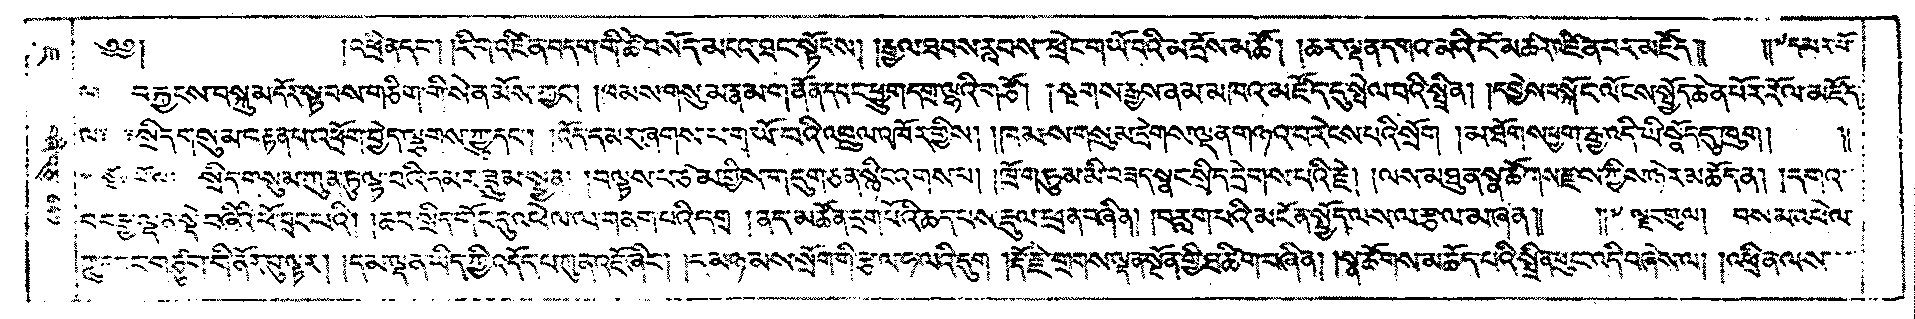༄༅། །འཕྲིན་དང་། །རིག་འཛིན་བདག་གི་ཚེ་བསོད་མངའ་ཐང་སྟོབས། །རྒྱལ་ཐབས་རླབས་ཕྲེང་གཡོ་བའི་མ་དྲོས་མཚོ། །ཆར་ལྡན་དགའ་མའི་ངོ་མཚར་འཛིན་པར་མཛོད།། །། ༧་དམར་པོ་
ལ། བརྐྱངས་སྐུ་མདོར་སྟབས་གཅིག་གི་སེན་མོས་ཀྱང་། །ཁམས་གསུམ་རྣམ་གནོན་དབང་ཕྱུག་དགྲ་ལྷའི་གཙོ། །སྔགས་རྒྱས་ནམ་མཁའ་མཛོད་དུ་སྤེལ་བའི་སྤྲིན། །དགྱེས་བསྐོང་ལོངས་སྤྱོད་ཆེན་པོར་རོལ་མཛོད་
ལ༑ ༑སྲིད་གསུམ་བརྟན་པ་འཕྲོག་བྱེད་ལྕགས་ཀྱུ་དང་། །འོད་དམར་ཞགས་པ་གཡོ་བའི་འཁྲུལ་འཁོར་གྱིས། །ཁམས་གསུམ་དྲེགས་ལྡན་གཉའ་བ་རེངས་པའི་སྲོག །མ་ཐོགས་ཕྱག་རྒྱ་འདི་ཡི་སྣོད་དུ་ཁུག ། །།
༧་སྔོན་པོ་ལ།  སྲིད་གསུམ་ཀུན་ཏུ་ལྟ་བའི་དམར་ཟླུམ་སྤྱན། །བལྟས་པ་ཙམ་གྱིས་གདུག་ཅན་སྙིང་འགས་པ། །ཁྲོ་གཏུམ་མི་བཟད་སྣང་སྲིད་དྲེགས་པའི་རྗེ། །ལས་མཐུན་སྣ་ཚོགས་རྫས་ཀྱིས་ཉེར་མཆོད་ན། །དགའ་
བ་བརྒྱ་ལྡན་སྡེ་བཞིའི་ཕོ་བྲང་པའི། །ཆབ་སྲིད་གོང་དུ་འཕེལ་ལ་གནག་པའི་དགྲ་།ནད་མཚོན་དྲག་པོའི་ཆད་པས་རྡུལ་ཕྲན་བཞིན། །བརླག་པའི་མངོན་སྤྱོད་ལས་ལ་རྩལ་མ་ཞན།། །། ༧་ལྗང་གུ་ལ།  བསམ་འཕེལ་
ཀླུ་དབང་གཙུག་གི་ནོར་བུ་ལྟར། །དམ་ལྡན་ཡིད་ཀྱི་འདོད་པ་ཀུན་འཇོ་ཞིང་། །དམ་ཉམས་སྲོག་གི་རྩ་ལ་ཧ་ལའི་དུག །རྡོ་རྗེ་གྲགས་ལྡན་སྔོན་གྱི་ཐ་ཚིག་བཞིན། །སྣ་ཚོགས་མཆོད་པའི་སྤྲིན་ཕུང་འདི་བཞེས་ལ། །འཕྲིན་ལས་